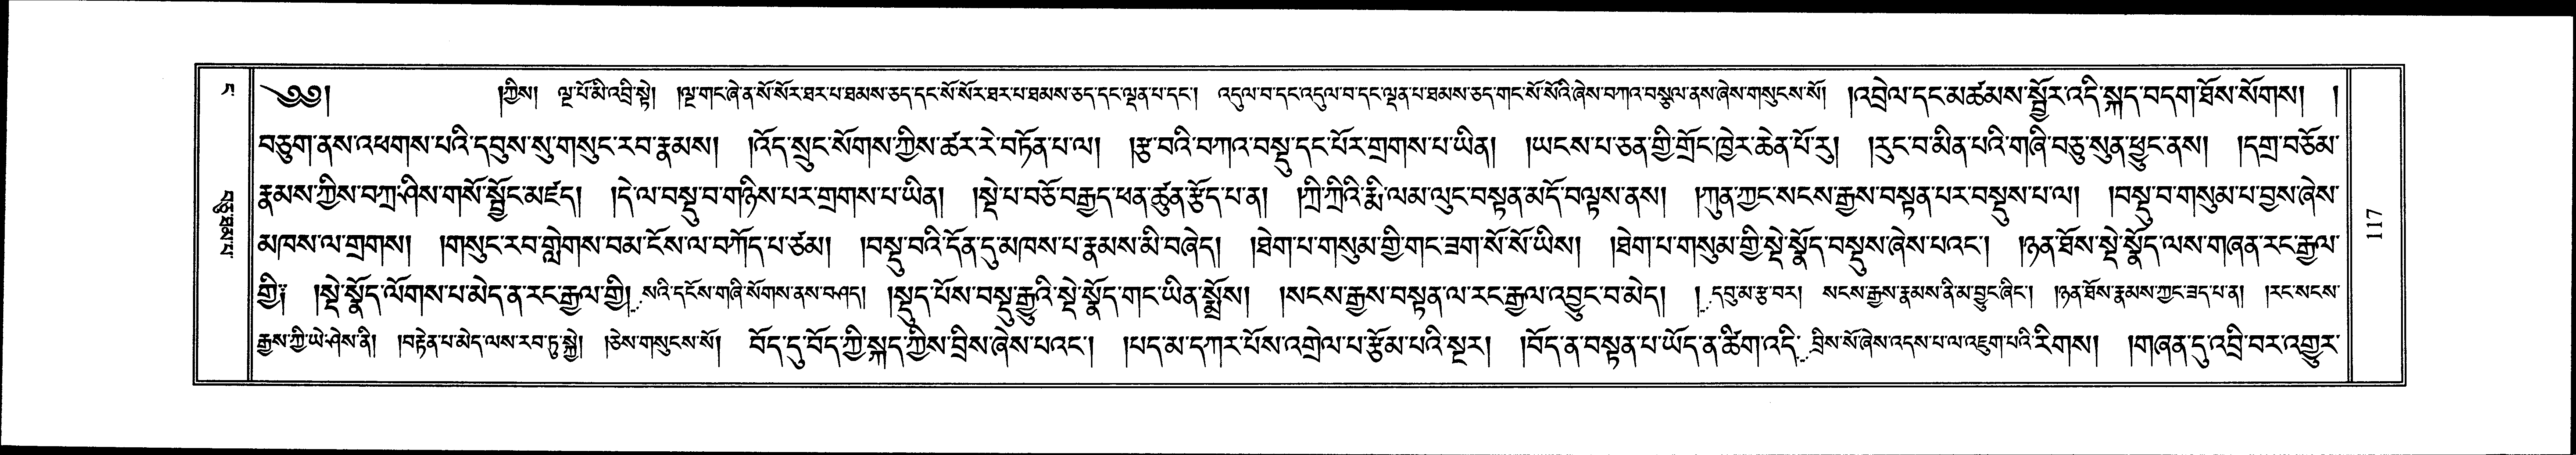༄༅། །ཀྱིས། །ལྔ་པོ་མི་འབྲི་སྟེ། །ལྔ་གང་ཞེ་ན་སོ་སོར་ཐར་པ་ཐམས་ཅད་དང་སོ་སོར་ཐར་པ་ཐམས་ཅད་དང་ལྡན་པ་དང་། འདུལ་བ་དང་འདུལ་བ་དང་ལྡན་པ་ཐམས་ཅད་གང་སོ་སོའི་ཞེས་བཀའ་བསྩལ་ནས་ཞེས་གསུངས་སོ། །འབྲེལ་དང་མཚམས་སྦྱོར་འདི་སྐད་བདག་ཐོས་སོགས།།
བཅུག་ནས་འཕགས་པའི་དབུས་སུ་གསུང་རབ་རྣམས། །འོད་སྲུང་སོགས་ཀྱིས་ཚར་རེ་བཏོན་པ་ལ། །རྩ་བའི་བཀའ་བསྡུ་དང་པོར་གྲགས་པ་ཡིན། །ཡངས་པ་ཅན་གྱི་གྲོང་ཁྱེར་ཆེན་པོ་རུ། །རུང་བ་མིན་པའི་གཞི་བཅུ་སུན་ཕྱུང་ནས། །དགྲ་བཅོམ་
རྣམས་ཀྱིས་བཀྲ་ཤིས་གསོ་སྦྱོང་མཛད། །དེ་ལ་བསྡུ་བ་གཉིས་པར་གྲགས་པ་ཡིན། །སྡེ་པ་བཅོ་བརྒྱད་ཕན་ཚུན་རྩོད་པ་ན། །ཀྲི་ཀྲིའི་རྨི་ལམ་ལུང་བསྟན་མདོ་བལྟས་ནས། །ཀུན་ཀྱང་སངས་རྒྱས་བསྟན་པར་བསྡུས་པ་ལ། །བསྡུ་བ་གསུམ་པ་བྱས་ཞེས་
མཁས་ལ་གྲགས། །གསུང་རབ་གླེགས་བམ་ངོས་ལ་བཀོད་པ་ཙམ། །བསྡུ་བའི་དོན་དུ་མཁས་པ་རྣམས་མི་བཞེད། །ཐེག་པ་གསུམ་གྱི་གང་ཟག་སོ་སོ་ཡིས། །ཐེག་པ་གསུམ་གྱི་སྡེ་སྣོད་བསྡུས་ཞེས་པའང་། །ཉན་ཐོས་སྡེ་སྣོད་ལས་གཞན་རང་རྒྱལ་
གྱི། །སྡེ་སྣོད་ལོགས་པ་མེད་ན་རང་རྒྱལ་གྱི། སའི་དངོས་གཞི་སོགས་ནས་བཤད། །སྡུད་པོས་བསྡུ་རྒྱུའི་སྡེ་སྣོད་གང་ཡིན་སྨྲོས། །སངས་རྒྱས་བསྟན་ལ་རང་རྒྱལ་འབྱུང་བ་མེད། །དབུ་མ་རྩ་བར། སངས་རྒྱས་རྣམས་ནི་མ་བྱུང་ཞིང་། །ཉན་ཐོས་རྣམས་ཀྱང་ཟད་པ་ན། །རང་སངས་
རྒྱས་ཀྱི་ཡེ་ཤེས་ནི། །བརྟེན་པ་མེད་ལས་རབ་ཏུ་སྐྱེ། །ཅེས་གསུངས་སོ། བོད་དུ་བོད་ཀྱི་སྐད་ཀྱིས་བྲིས་ཞེས་པའང་། །པད་མ་དཀར་པོས་འགྲེལ་པ་རྩོམ་པའི་སྔར། །བོད་ན་བསྟན་པ་ཡོད་ན་ཚིག་འདི་བྲིས་སོ་ཞེས་འདས་པ་ལ་འཇུག་པའི་རིགས། །གཞན་དུ་འབྲི་བར་འགྱུར་